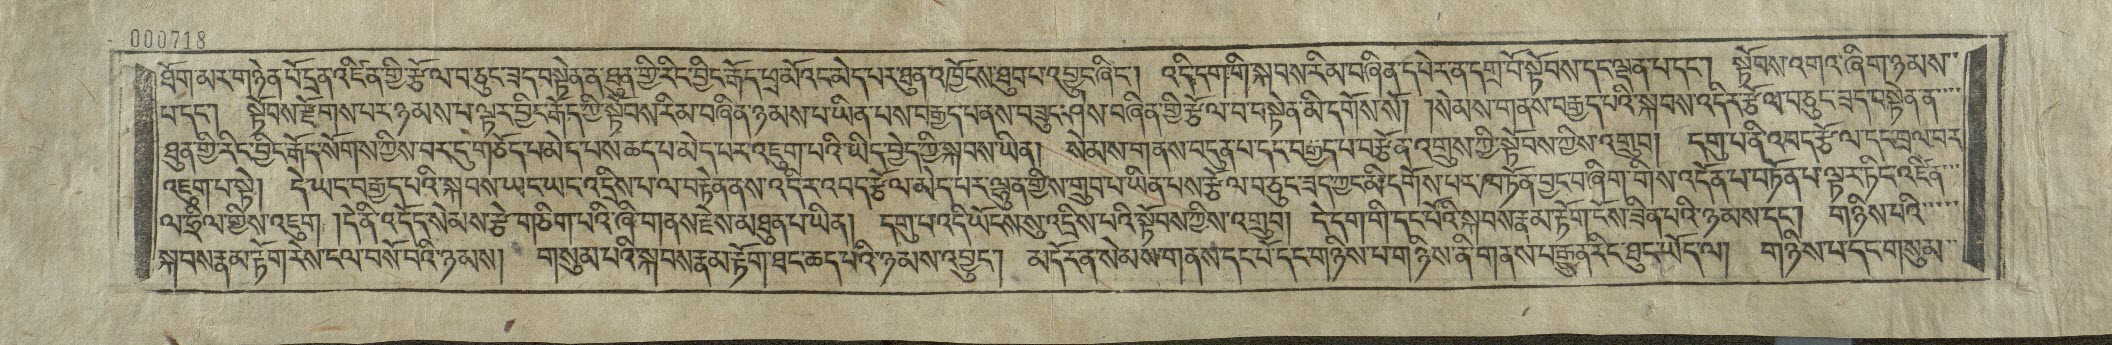ཐོག་མར་གཉེན་པོ་དྲན་འཛིན་གྱི་རྩོལ་བ་ཅུང་ཟད་བསྟེན་ན་ཐུན་གྱི་རིང་བྱིང་རྒོད་ཕྲ་མོའང་མེད་པར་ཐུན་འཁྱོངས་ཐུབ་པ་འབྱུང་ཞིང་། འདི་དག་གི་སྐབས་རིམ་བཞིན་དཔེར་ན་དགྲ་བོ་སྟོབས་དང་ལྡན་པ་དང་། སྟོབས་འགའ་ཞིག་ཉམས་
པ་དང་། སྟོབས་རྫོགས་པར་ཉམས་པ་ལྟར་བྱིང་རྒོད་ཀྱི་སྟོབས་རིམ་བཞིན་ཉམས་པ་ཡིན་པས་བརྒྱད་པ་ནས་བཟུང་ཤེས་བཞིན་གྱི་རྩོལ་བ་བསྟེན་མི་དགོས་སོ། །སེམས་གནས་བརྒྱད་པའི་སྐབས་འདིར་རྩོལ་བ་ཅུང་ཟད་བསྟེན་ན་
ཐུན་གྱི་རིང་བྱིང་རྒོད་སོགས་ཀྱིས་བར་དུ་གཅོད་པ་མེད་པས་ཆད་པ་མེད་པར་འཇུག་པའི་ཡིད་བྱེད་ཀྱི་སྐབས་ཡིན། སེམས་གནས་བདུན་པ་དང་བརྒྱད་པ་བརྩོན་འགྲུས་ཀྱིས་སྟོབས་ཀྱིས་འགྲུབ། དགུ་པ་ནི་འབད་རྩོལ་དང་བྲལ་བར་
འཇུག་པ་སྟེ། དེ་ཡང་བརྒྱད་པའི་སྐབས་ཡང་ཡང་འདྲིས་པ་ལ་བརྟེན་ནས་འདིར་འབད་རྩོལ་མེད་པར་ལྷུན་གྱིས་གྲུབ་པ་ཡིན་པས་རྩོལ་བ་ཅུང་ཟད་ཀྱང་མི་དགོས་པར་ཁ་ཏོན་བྱང་བ་ཞིག་གིས་འདོན་པ་བཏོན་པ་ལྟར་ཏིང་འཛིན་
ལ་ཧྲིལ་གྱིས་འཇུག །དེ་ནི་འདོད་སེམས་རྩེ་གཅིག་པའི་ཞི་གནས་རྗེས་མཐུན་པ་ཡིན། དགུ་པ་འདི་ཡོངས་སུ་འདྲིས་པའི་སྟོབས་ཀྱིས་འགྲུབ། དེ་དག་གི་དང་པོའི་སྐབས་རྣམ་རྟོག་ངོས་ཟིན་པའི་ཉམས་དང་། གཉིས་པའི་
སྐབས་རྣམ་རྟོག་རེས་ངལ་བསོ་བའི་ཉམས། གསུམ་པའི་སྐབས་རྣམ་རྟོག་ཐང་ཆད་པའི་ཉམས་འབྱུང་། མདོར་ན་སེམས་གནས་དང་པོ་དང་གཉིས་པ་གཉིས་ནི་གནས་པ་རྒྱུན་རིང་ཐུང་ཡོད་ལ། གཉིས་པ་དང་གསུམ་